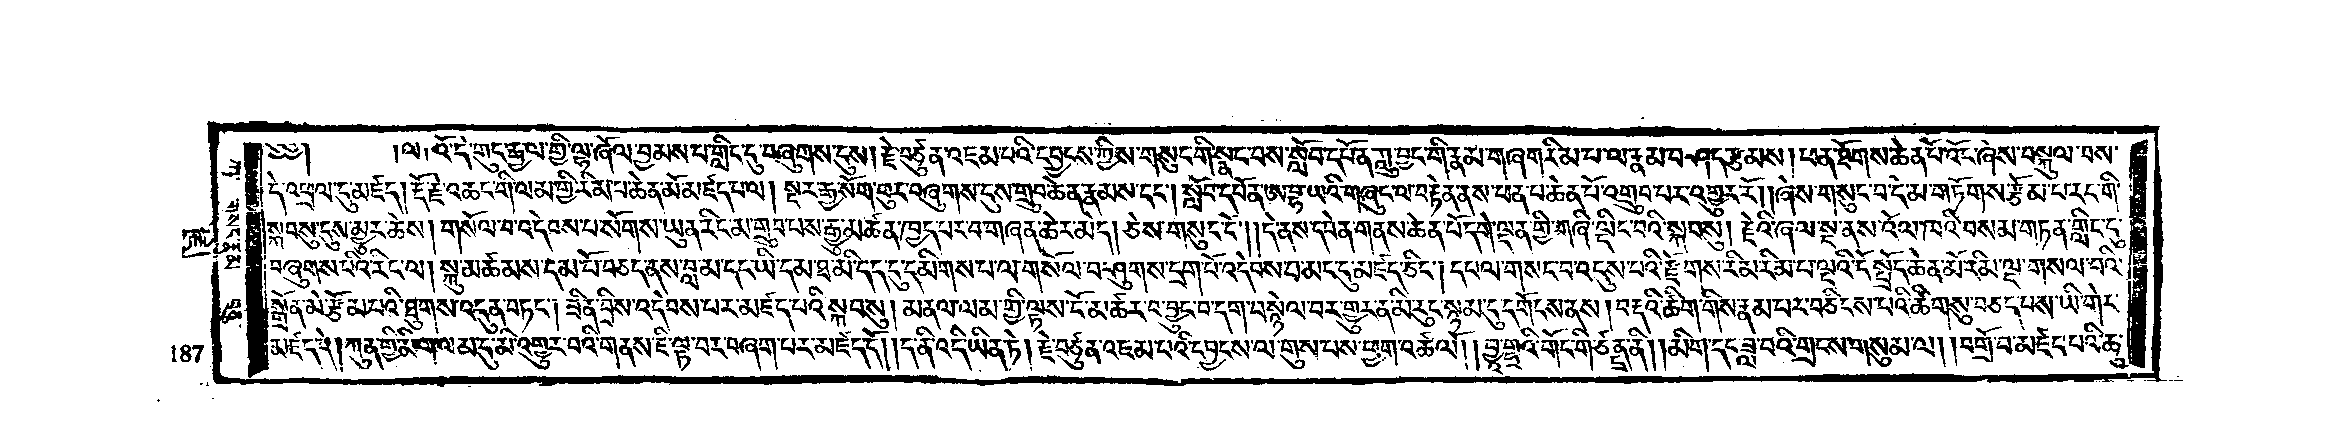༄༅། །ལ། འོ་དེ་གུང་རྒྱལ་གྱི་ལྷ་ཞོལ་བྱམས་པ་གླིང་དུ་བཞུགས་དུས། རྗེ་བཙུན་འཇམ་པའི་དབྱངས་ཀྱིས་གསུང་གི་སྣང་བས་སློབ་དཔོན་ཀླུ་བྱང་གི་རྣམ་གཞག་རིམ་པ་ལ་རྣམ་བཤད་རྩམས། ཕན་ཐོགས་ཆེན་པོ་འོང་ཞེས་བསྐུལ་བས་
དེ་འཕྲལ་དུ་མཛད། རྡོ་རྗེ་འཆང་གི་ལམ་གྱི་རིམ་པ་ཆེན་མོ་མཛད་པ་ལ། སྔར་རྒྱ་སོག་ཕུང་བཞུགས་དུས་གྲུབ་ཆེན་རྣམས་དང་། སློབ་དཔོན་ཨ་བྷ་ཡའི་གཞུང་ལ་བརྟེན་ནས་ཕན་པ་ཆེན་པོ་འགྲུབ་པར་འགྱུར་རོ། །ཞེས་གསུང་བ་དེ་མ་གཏོགས་རྩོམ་པ་རང་གི་
སྐབས་སུ་དུས་མྱུར་ཆེས། གསོལ་བ་འདེབས་པ་སོགས་ཡུན་རིང་མ་གྲུབ་པས་རྒྱུ་མཚན་ཁྱད་པར་བ་གཞན་ཆེར་མེད། ཅེས་གསུང་ངོ། །དེ་ནས་དབེན་གནས་ཆེན་པོ་དགེ་ལྡན་གྱི་གཞི་ལྡིང་བའི་སྐབས་སུ། རྗེའི་ཞལ་སྔ་ནས་འོལ་ཁའི་བསམ་གཏན་གླིང་དུ་
བཞུགས་པའི་རིང་ལ། སྐུ་མཚམས་དམ་པོ་བཅད་ནས་བླ་མ་དང་ཡི་དམ་ཐ་མི་དད་དུ་དམིགས་པ་ལ་གསོལ་བ་ཤུགས་དྲག་པོ་འདེབས་པ་མང་དུ་མཛད་ཅིང་། དཔལ་གསང་བ་འདུས་པའི་རྫོགས་རིམ་རིམ་པ་ལྔའི་ངོ་སྤྲོད་ཆེན་མོ་རིམ་ལྔ་གསལ་བའི་
སྒྲོན་མེ་རྩོམ་པའི་ཐུགས་འདུན་བཏང་། ཟིན་བྲིས་འདེབས་པར་མཛད་པའི་སྐབས་སུ། མནལ་ལམ་གྱི་ལྟས་ངོ་མཚར་བ་བྱུང་བ་དག་བསྙེལ་བར་གྱུར་ན་མི་རུང་སྙམ་དུ་དགོངས་ནས། བརྡའི་ཚིག་གིས་རྣམ་པར་བཅིངས་པའི་ཚིགས་སུ་བཅད་པས་ཡི་གེར་
མཛད་དེ། ཀུན་གྱི་མིག་ལམ་དུ་མི་འགྱུར་བའི་གནས་ཇི་ལྟ་བར་བཞག་པར་མཛད་དོ། །ད་ནི་འདི་ཡིན་ཏེ། རྗེ་བཙུན་འཇམ་པའི་དབྱངས་ལ་གུས་པས་ཕྱག་འཚལ་ལོ། །བྱཱ་གྷྲའི་གོང་གི་ཙནྡྲ་ནི། །མིག་དང་ཟླ་བའི་གྲངས་གསུམ་ལ། །བགྲོ་བ་མཛད་པའི་ཆུ་